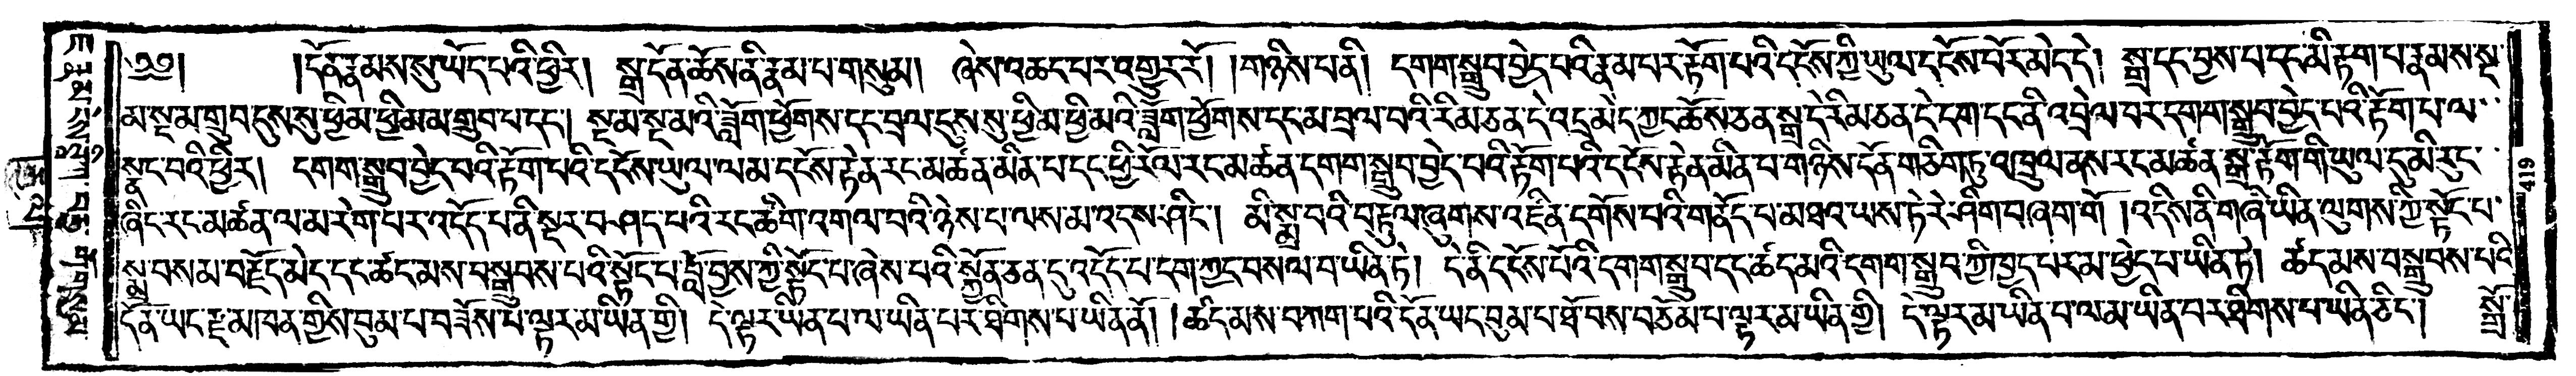༄༅། །དོན་རྣམས་སུ་ཡོད་པའི་ཕྱིར། སྒྲ་དོན་ཆོས་ནི་རྣམ་པ་གསུམ། ཞེས་འཆད་པར་འགྱུར་རོ། །གཉིས་པ་ནི། དགག་སྒྲུབ་བྱེད་པའི་རྣམ་པར་རྟོག་པའི་དངོས་ཀྱི་ཡུལ་དངོས་པོར་མེད་དེ། སྒྲ་དང་བྱས་པ་དང་མི་རྟག་པ་རྣམས་སྔ་
མ་སྔ་མ་གྲུབ་དུས་སུ་ཕྱི་མ་ཕྱི་མ་མ་གྲུབ་པ་དང་། སྔ་མ་སྔ་མའི་ཟློག་ཕྱོགས་དང་བྲལ་དུས་སུ་ཕྱི་མ་ཕྱི་མའི་ཟློག་ཕྱོགས་དང་མ་བྲལ་བའི་རིམ་ཅན་དེ་འདྲ་མེད་ཀྱང་ཆོས་ཅན་སྒྲ་དེ་རིམ་ཅན་དེ་དག་དང་ནི་འབྲེལ་བར་དགག་སྒྲུབ་བྱེད་པའི་རྟོག་པ་ལ་
སྣང་བའི་ཕྱིར། དགག་སྒྲུབ་བྱེད་པའི་རྟོག་པའི་དངོས་ཡུལ་ལམ་དངོས་རྟེན་རང་མཚན་མིན་པ་དང་ཕྱི་རོལ་རང་མཚན་དགག་སྒྲུབ་བྱེད་པའི་རྟོག་པའི་དངོས་རྟེན་མིན་པ་གཉིས་དོན་གཅིག་ཏུ་འཁྲུལ་ནས་རང་མཚན་སྒྲ་རྟོག་གི་ཡུལ་དུ་མི་རུང་
ཞིང་རང་མཚན་ལ་མ་རེག་པར་འདོད་པ་ནི་སྔར་བཤད་པའི་རང་ཚིག་འགལ་བའི་ཉེས་པ་ལས་མ་འདས་ཤིང་། མི་སྨྲ་བའི་བརྟུལ་ཞུགས་འཛིན་དགོས་པའི་གནོད་པ་མཐའ་ཡས་ཏེ་རེ་ཤིག་བཞག་གོ །འདིས་ནི་གཞི་ཡིན་ལུགས་ཀྱི་སྟོང་པ་
སྨྲ་བསམ་བརྗོད་མེད་དང་ཚད་མས་བསྒྲུབས་པའི་སྟོང་པ་བློ་བྱས་ཀྱི་སྟོང་པ་ཞེས་པའི་སྐྱོན་ཅན་དུ་འདོད་པ་དག་ཀྱང་བསལ་བ་ཡིན་ཏེ། དེ་ནི་དངོས་པོའི་དགག་སྒྲུབ་དང་ཚད་མའི་དགག་སྒྲུབ་ཀྱི་ཁྱད་པར་མ་ཕྱེད་པ་ཡིན་ཏེ། ཚད་མས་བསྒྲུབས་པའི་
དོན་ཡང་རྫ་མཁན་གྱིས་བུམ་པ་བཟོས་པ་ལྟར་མ་ཡིན་གྱི། དེ་ལྟར་ཡིན་པ་ལ་ཡིན་པར་ཐིགས་པ་ཡིན་ནོ། །ཚད་མས་བཀག་པའི་དོན་ཡང་བུམ་པ་ཐོ་བས་བཅོམ་པ་ལྟར་མ་ཡིན་གྱི། དེ་ལྟར་མ་ཡིན་པ་ལ་མ་ཡིན་པར་ཐིགས་པ་ཡིན་ཅིང་། སྒྲོ་